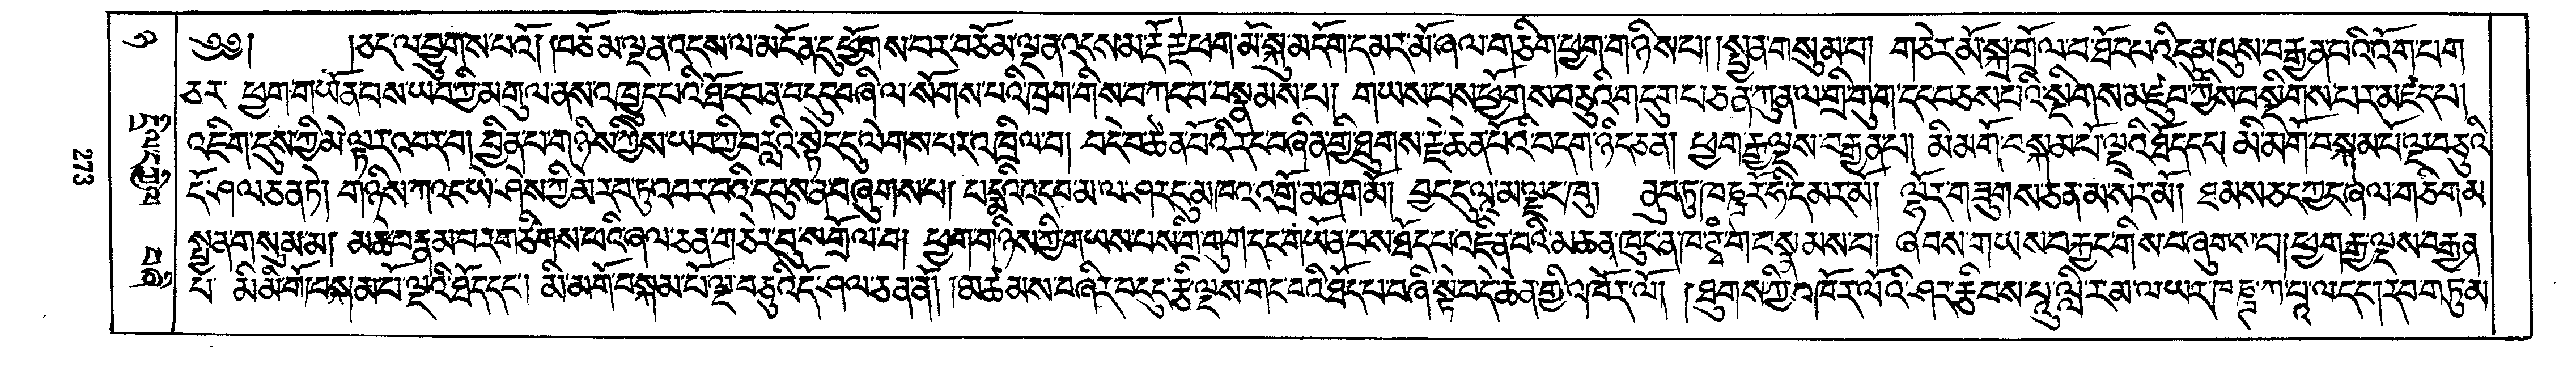༄༅། །ཅད་ལ་བྱུགས་བའོ། །བཅོམ་ལྡན་འདས་ལ་མངོན་དུ་ཕྱོགས་པར་བཅོམ་ལྡན་འདས་མ་རྡོ་རྗེ་ཕག་མོ་སྐུ་མདོག་དམར་མོ་ཞལ་གཅིག་ཕྱག་གཉིས་པ། སྤྱན་གསུམ་པ། གཅེར་མོ་སྐྲ་གྲོལ་བ་ཐོད་པའི་དུམ་བུས་བརྒྱན་པའི་འོག་པག་
ཅན༑ ཕྱག་གཡོན་པས་ཡབ་ཀྱི་མགུལ་ནས་བྑྱུད་པའི་ཐོད་པ་ན་བདུད་བཞི་ལ་སོགས་པའི་ཁྲག་གིས་བཀང་བ་བསྣམས་པ། གཡས་པས་ཕྱོགས་བཅུའི་གདུག་པ་ཅན་ཀུན་ལ་གྲི་གུག་དང་བཅས་པའི་སྡིགས་མཛུབ་ཀྱིས་བསྡིགས་པར་མཛད་པ།
འཇིག་དུས་ཀྱི་མེ་ལྟར་འབར་བ། བྱིན་པ་གཉིས་ཀྱིས་ཡབ་ཀྱི་བརླའི་སྟེང་དུ་ལེགས་པར་འཁྲིལ་བ། བདེ་བ་ཆེན་པོའི་རང་བཞིན་ཀྱི་ཐུགས་རྗེ་ཆེན་པོའི་བདག་ཉིད་ཅན། ཕྱག་རྒྱ་ལྔས་བརྒྱན་པ། མི་མགོ་བསྐམ་པོ་ལྔའི་ཐོད་དང་། མི་མགོ་བསྐམ་པོ་ལྔ་བཅུའི་
དོ་ཤལ་ཅན་ཏེ། གཉིས་ཀའང་ཡེ་ཤེས་ཀྱི་མེར་ཏུ་འབར་བའི་དབུས་ན་བཞུགས་པ། པདམའི་འདབ་མ་ལ་ཤར་དུ་མཁའ་འགྲོ་མ་ནག་མོ། བྱངས་དུ་ལཱ་མ་ལྗང་ཁུ། ནུབ་ཏུ་ཁཎྜ་རོ་ཧི་དམར་མོ། ལྷོར་གཟུགས་ཅན་མ་སེར་མོ། ཐམས་ཅད་ཀྱང་ཞལ་གཅིག་མ།
སྤྱན་གསུམ་མ། མཆེ་བ་རྣམ་པར་གཙིགས་པའི་ཞལ་ཅན་གཅེར་བུ་སྐྲ་གྲོལ་བ། ཕྱག་གཉིས་ཀྱི་གཡས་པས་གྲི་གུག་དང་གཡོན་པས་ཐོད་པ་འཛིན་པའི་མཆན་ཁུང་ན་ཁ་ཏྭཱཾ་ག་བསྣམས་པ། ཞབས་གཡས་བརྐྱང་གིས་བཞུགས་པ། ཕྱག་རྒྱ་ལྔས་བརྒྱན་
པ༑ མི་མགོ་བསྐམ་པོ་ལྔའི་ཐོད་དང་། མི་མགོ་བསྐམ་པོ་ལྔ་བཅུའི་དོ་ཤལ་ཅན་ནོ། །མཚམས་བཞིར་བདུད་རྩི་ལྔས་གང་བའི་ཐོད་པ་བཞི་སྟེ་བདེ་ཆེན་གྱི་འཁོར་ལོ། །ཐུགས་ཀྱི་འཁོར་ལོའི་ཤར་རྩིབས་པཱུ་ལླི་ར་མ་ལ་ཡར་ཁཎྜ་ཀ་པཱ་ལ་དང་། རབ་གཏུ་མ་